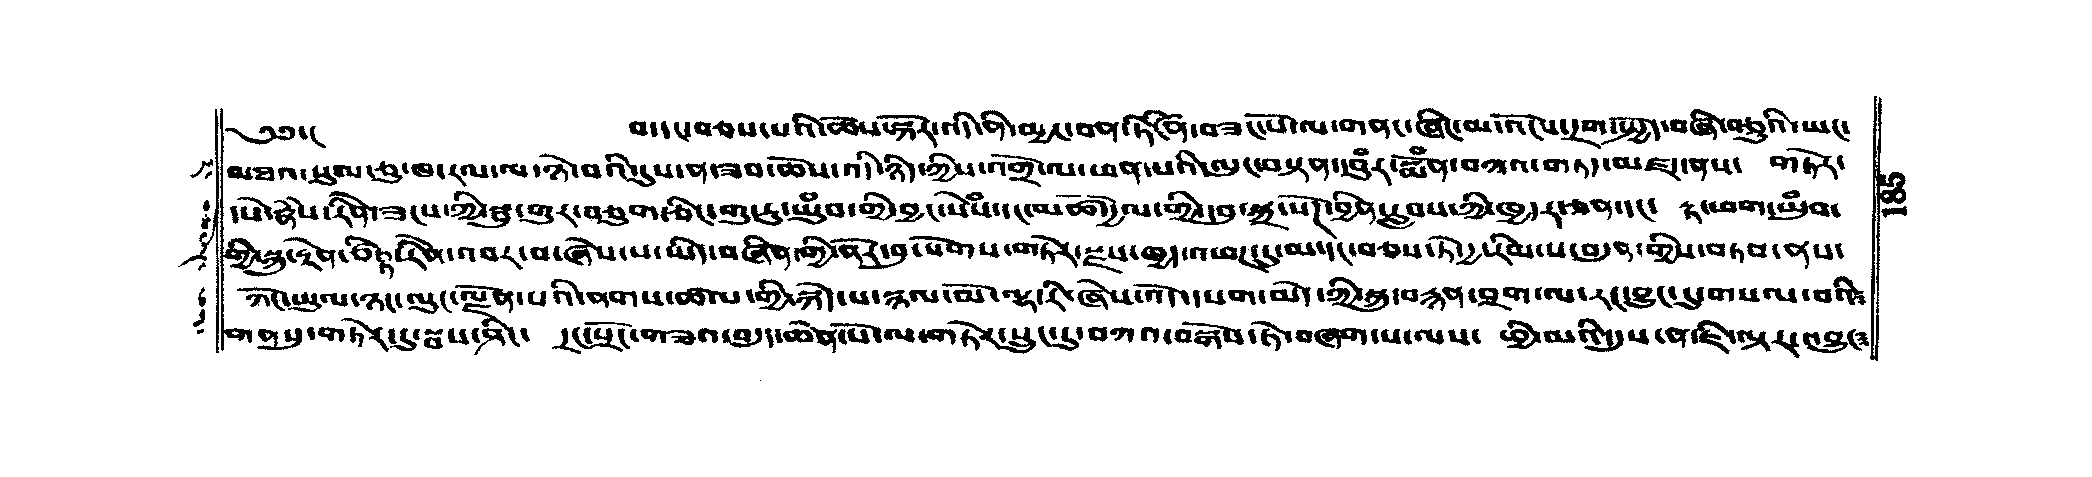བ་དང་བཅས་པའི་ཆོས་སྐོར་འདི་ནི་མྱང་བན་ཏིང་འཛིན་བཟང་པོ་ལ་གནང་ཞིང་མ་འོང་དྲག་སྤྱོད་བཞི་བཅུའི་ཡང་
མཐའ་སུམ་ཅུ་ཁ་རལ་ལ་ཉེ་བའི་དུས་ན་ཟབ་ཆོས་འདི་ཉིད་ཀྱིས་འགྲོ་ལ་ཕན་པའི་ལུང་བསྟན་དབང་བསྐུར་སྨོན་ལམ་བཀའ་གཏད་མཛད་ནས། གཏེར་
དཔེ་རྣམས་རིན་ཆེན་ཟངས་ཀྱི་སྦུ་གུར་བཅུག་ཅིང་གུ་རུ་ཡབ་ཡུམ་གྱི་བྱང་སེམས་དང་མཚོ་རྒྱལ་གྱི་དབུ་སྐྲ་སོགས་བྱིན་རླབས་ཀྱི་ཁྱད་པར་ཅན་དང་། རྟ་ཕག་ཡབ་ཡུམ་
གྱི་སྐུ་རྟེན་ཙིཏྟ་རིན་ཆེན་འབར་བ་ཞེས་པ་ཡིད་བཞིན་གྱི་ནོར་བུ་སོགས་གཏེར་རྫས་ཁྱད་འཕགས་དུ་མ་དང་བཅས་ཏེ་རྒྱ་རིམ་པ་བདུན་གྱིས་བཏབ་ནས་
ཀོང་ཡུལ་ཉང་ལུང་ལྗོན་པའི་ནགས་ཚལ་གྱི་སྐེད་པ་སྙལ་མོ་ལྷ་རི་ཞེས་འོད་དཔག་མེད་ཀྱི་སྐུ་བརྙན་བྲག་ལ་རང་བྱུང་དུ་གསལ་བའི་
གནས་སུ་གཏེར་དུ་སྦས་ཤིང་།དྲང་སྲོང་གཟའ་བདུད་ཆེན་པོ་ལ་གཏེར་སྲུང་དུ་བཀའ་བསྒོས་ཏེ་བཞག་པ་ལས། ཕྱི་མའི་དུས་ན་ཇི་ལྟར་འབྱུང་